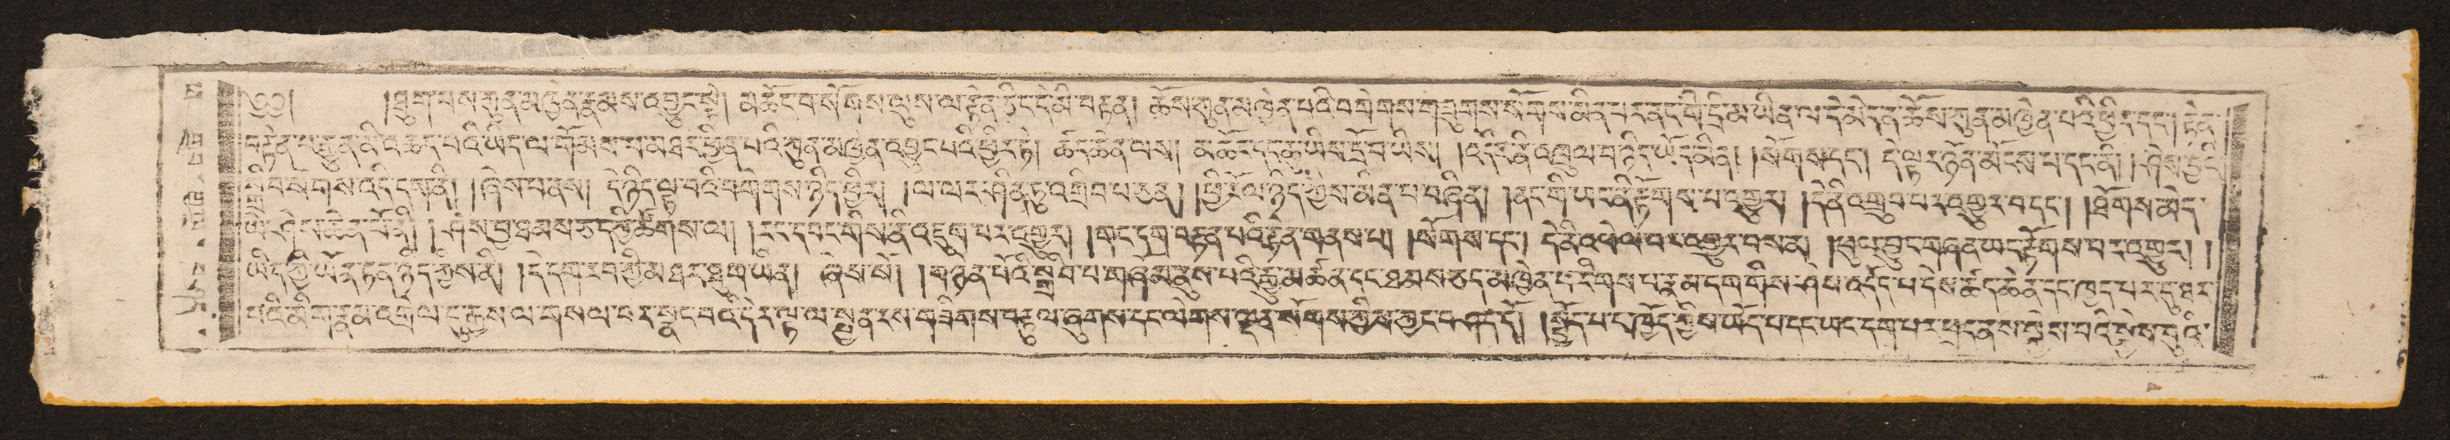༄༅། །ཐུག་པས་ཀུན་མཁྱེན་རྣམས་འབྱུང་སྟེ། མཆོང་བ་སོགས་ལུས་ལ་རྟེན་ཅིང་དེ་མི་བརྟན། ཆོས་ཀུན་མཁྱེན་པའི་བགེགས་གཟུགས་སོགས་མིན་པར་ནང་གི་དྲི་མ་ཡིན་ལ་དེ་མེད་ན་ཆོས་ཀུན་མཁྱེན་པའི་ཕྱིར་དང་། རྟེན་
བརྟེན་པ་རྒྱུན་མི་འཆད་པའི་ཡིད་ལ་གོམས་པ་མཐར་ཕྱིན་པའི་ཀུན་མཁྱེན་འབྱུང་བའི་ཕྱིར་ཏེ། ཚད་ཆེན་ལས། མཆོད་དང་ཆུ་ཡིས་དྲོ་བ་ཡིས། །འདིར་ནི་འཁྲུལ་བ་ཉིད་ཡོད་མིན། །སོགས་དང་། དེ་ལྟར་ཉོན་མོངས་པ་དང་ནི། །ཤེས་བྱའི་
སྒྲིབ་སོགས་འདི་དག་ནི། །ཞེས་པ་ནས། དེ་ཉིད་ལྟ་བའི་བགེགས་ཉིད་ཕྱིར། །ལ་ལར་ཤིན་ཏུ་འགྲིབ་པ་ཅན། །ཕྱི་རོལ་ཉིད་ཀྱིས་མིན་པ་བཞིན། །ནང་གི་ཡང་ནི་རྟོགས་པ་འགྱུར། །དེ་ནི་འགྲུབ་པར་འགྱུར་བ་དང་། །ཐོགས་མེད་
ཡེ་ཤེས་ཆེན་པོ་ནི། །ཤེས་བྱ་ཐམས་ཅད་ཀྱི་ཚོགས་ལ། །རང་དབང་གིས་ནི་འཇུག་པར་འགྱུར། །གང་དག་བརྟན་པའི་རྟེན་གནས་པ། །སོགས་དང་། དེ་ནི་འཕེལ་བར་འགྱུར་བས་ན། །ཕུལ་བྱུང་གཞན་ཡང་རྟོགས་པར་འགྱུར། །
ཡིད་ཀྱི་ཡོན་ཏན་ཉིད་ཀྱིས་ནི། །དེ་དག་རབ་ཀྱི་མཐར་ཐུག་ཡིན། ཞེས་སོ། །གཉེན་པོའི་སྒྲིབ་པ་གཞོམ་ནུས་པའི་རྒྱུ་མཚན་དང་ཐམས་ཅད་མཁྱེན་པ་རིགས་པ་རྣམ་དག་གིས་ཤེས་འདོད་པ་དེས་ཚད་ཆེན་དང་ཁྱད་པར་དུ་ཐར་
པའི་མིག་རྣམ་འགྲེལ་དུ་རྒྱས་ལ་གསལ་བར་སྣང་བའི་དེར་ལྟ་ལ་སྤྱན་རས་གཟིགས་བརྟུལ་ཞུགས་དང་ལེགས་ལྡན་སོགས་ཀྱིས་རྐྱང་བཤད་དོ། །སྤྱོད་པ་པ་ཁྱོད་ཀྱིས་ཡོད་པ་དང་ཡང་དག་པར་ཕྲད་ནས་སྐྱེས་པའི་སྐྱེས་བུའི་